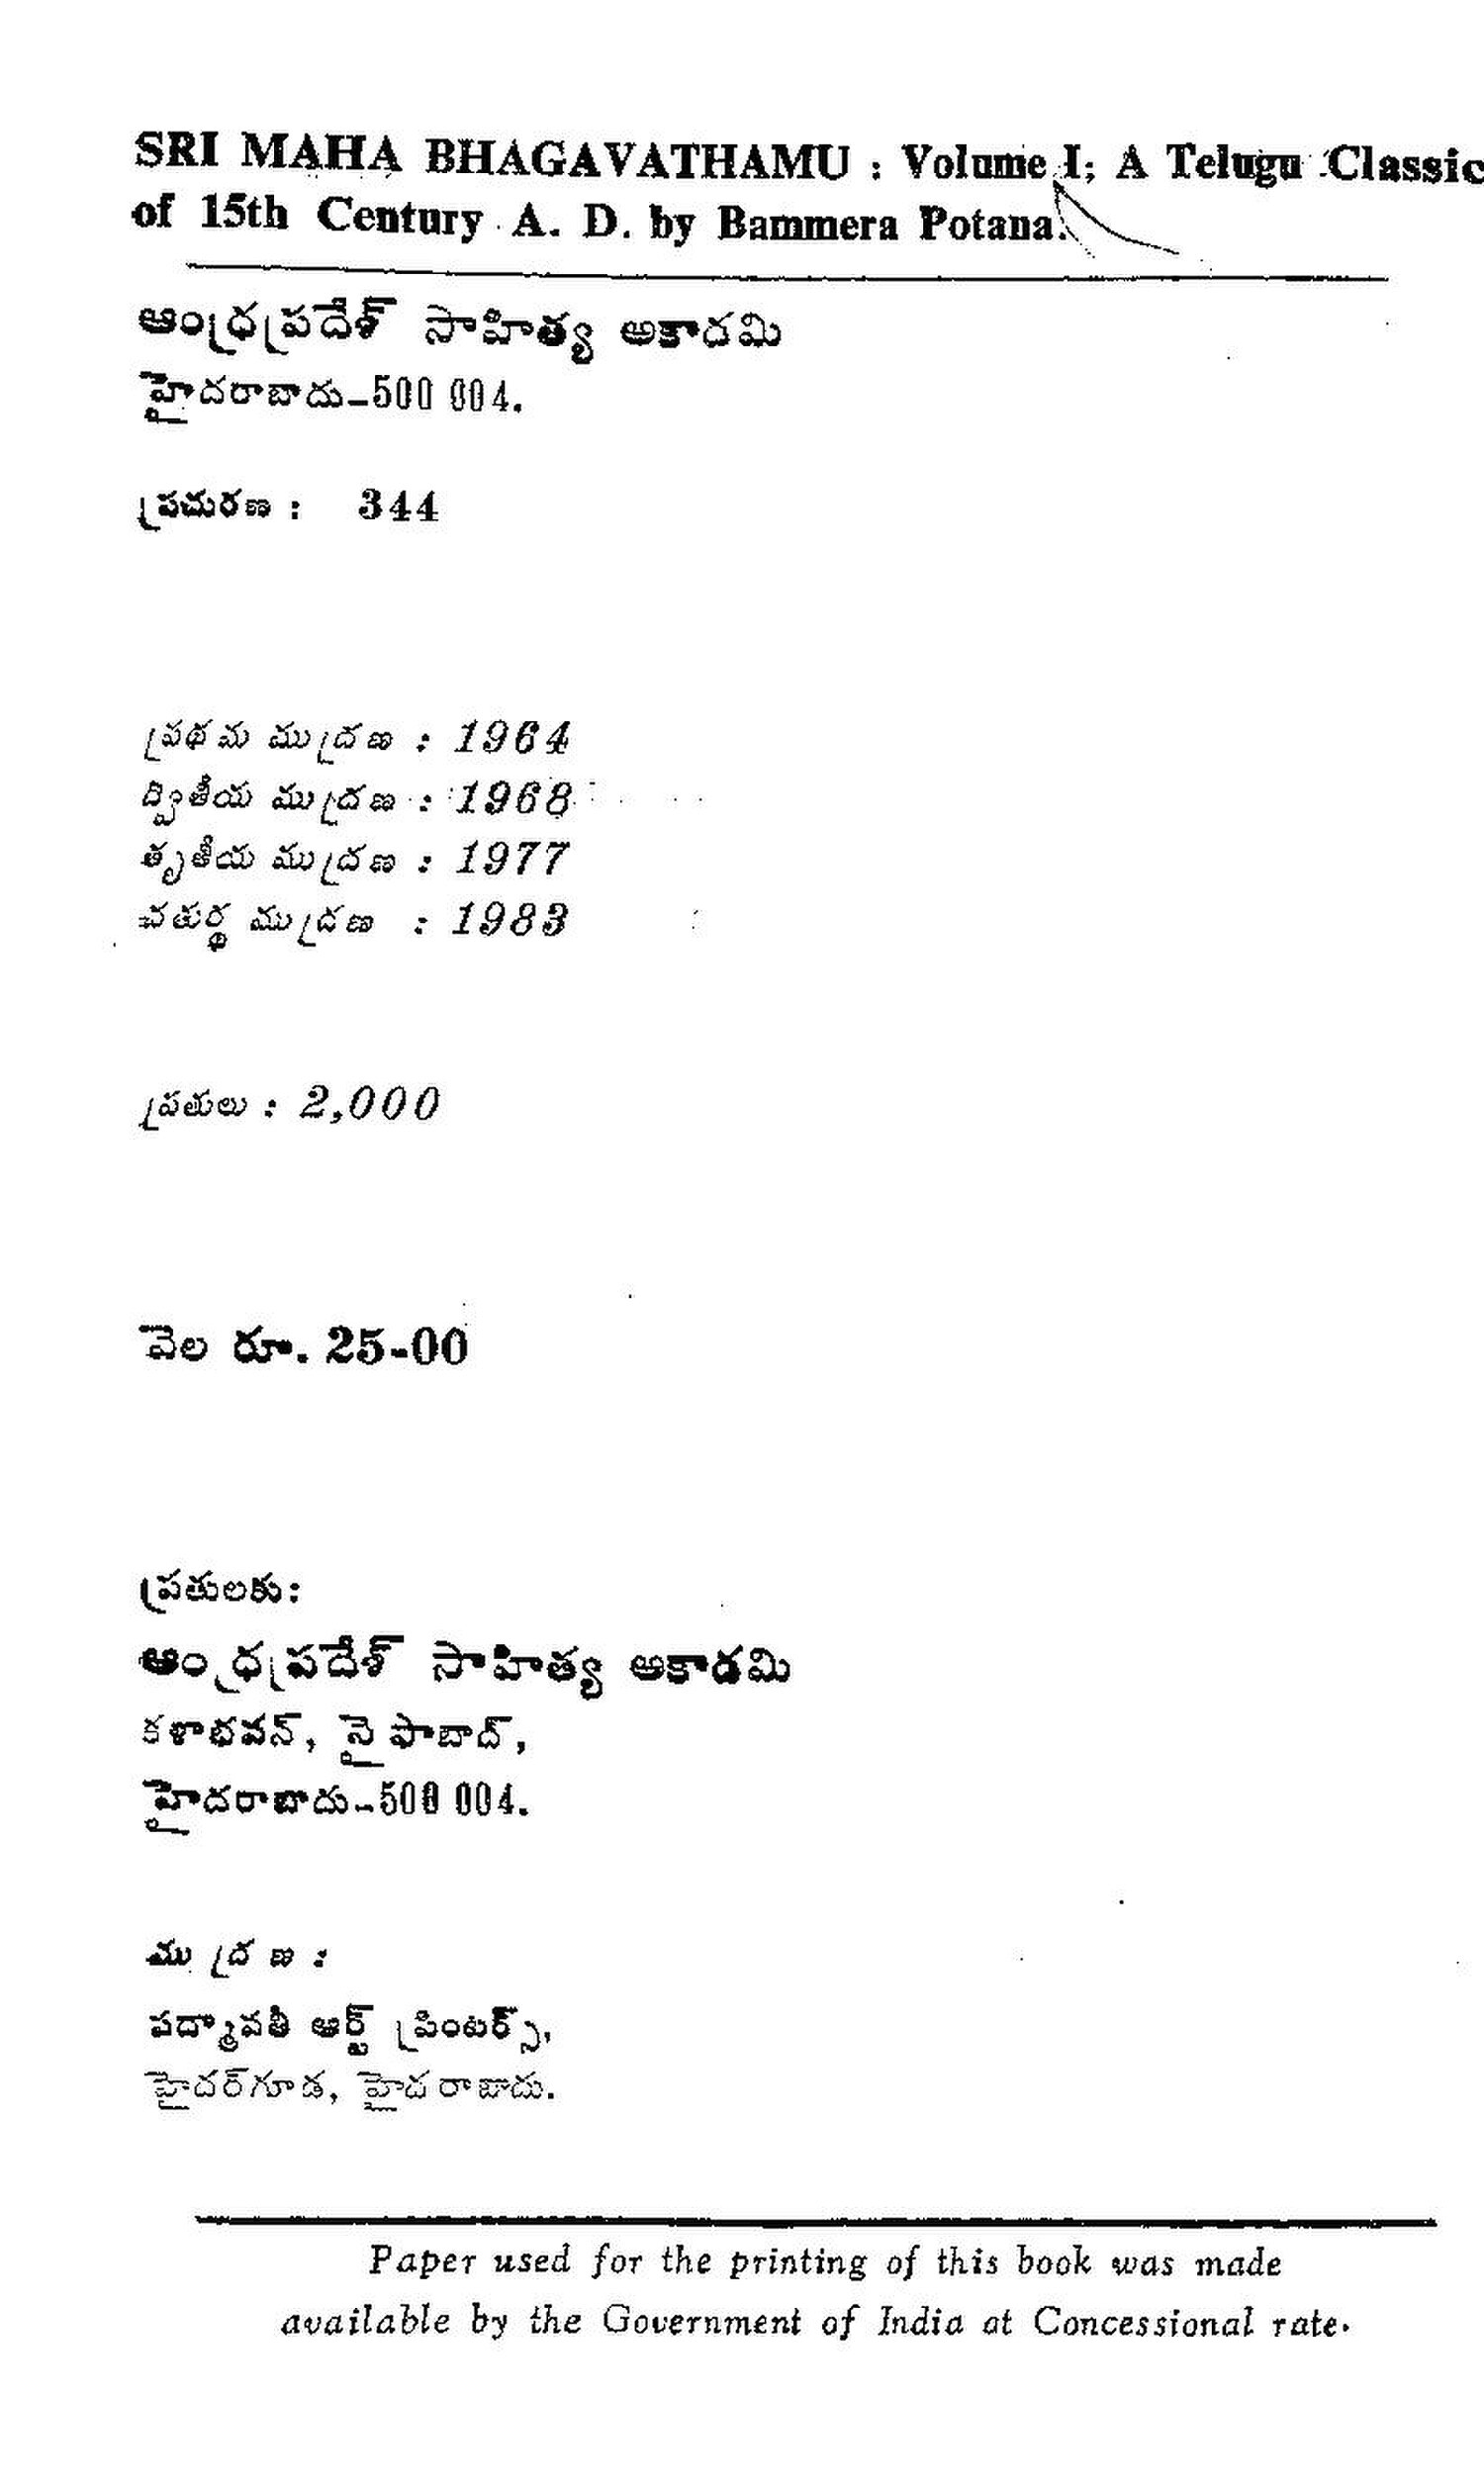SRI MAHA BHAGAVATHAMU : Volume I A Telugu Classic of 15th Century A. D. by Bammera Potana

ఆంధ్రప్రదేశ్ సాహిత్య అకాడమి
హైదరాబాదు- 500 004

ప్రచురణ: 344

ప్రథమ ముద్రణ:1964
ద్వితీయ ముద్రణ:1968
తృతీయ ముద్రణ:1977
చతుర్ధ ముద్రణ:1983

ప్రతులు :2,000

వెల రూ. 25-00

ప్రతులకు:
ఆంధ్రప్రదేశ్ సాహిత్య అకాడమి
కళాభవన్, సైఫాబాద్,
హైదరాబాదు- 500 004

ముద్రణ:
పద్మావతీ ఆర్ట్ ప్రింటర్స్.
హైదర్ గూడ , హైదరాబాదు.
----

Paper used for the printing of this book available by the Government of India at was made Concessional rate